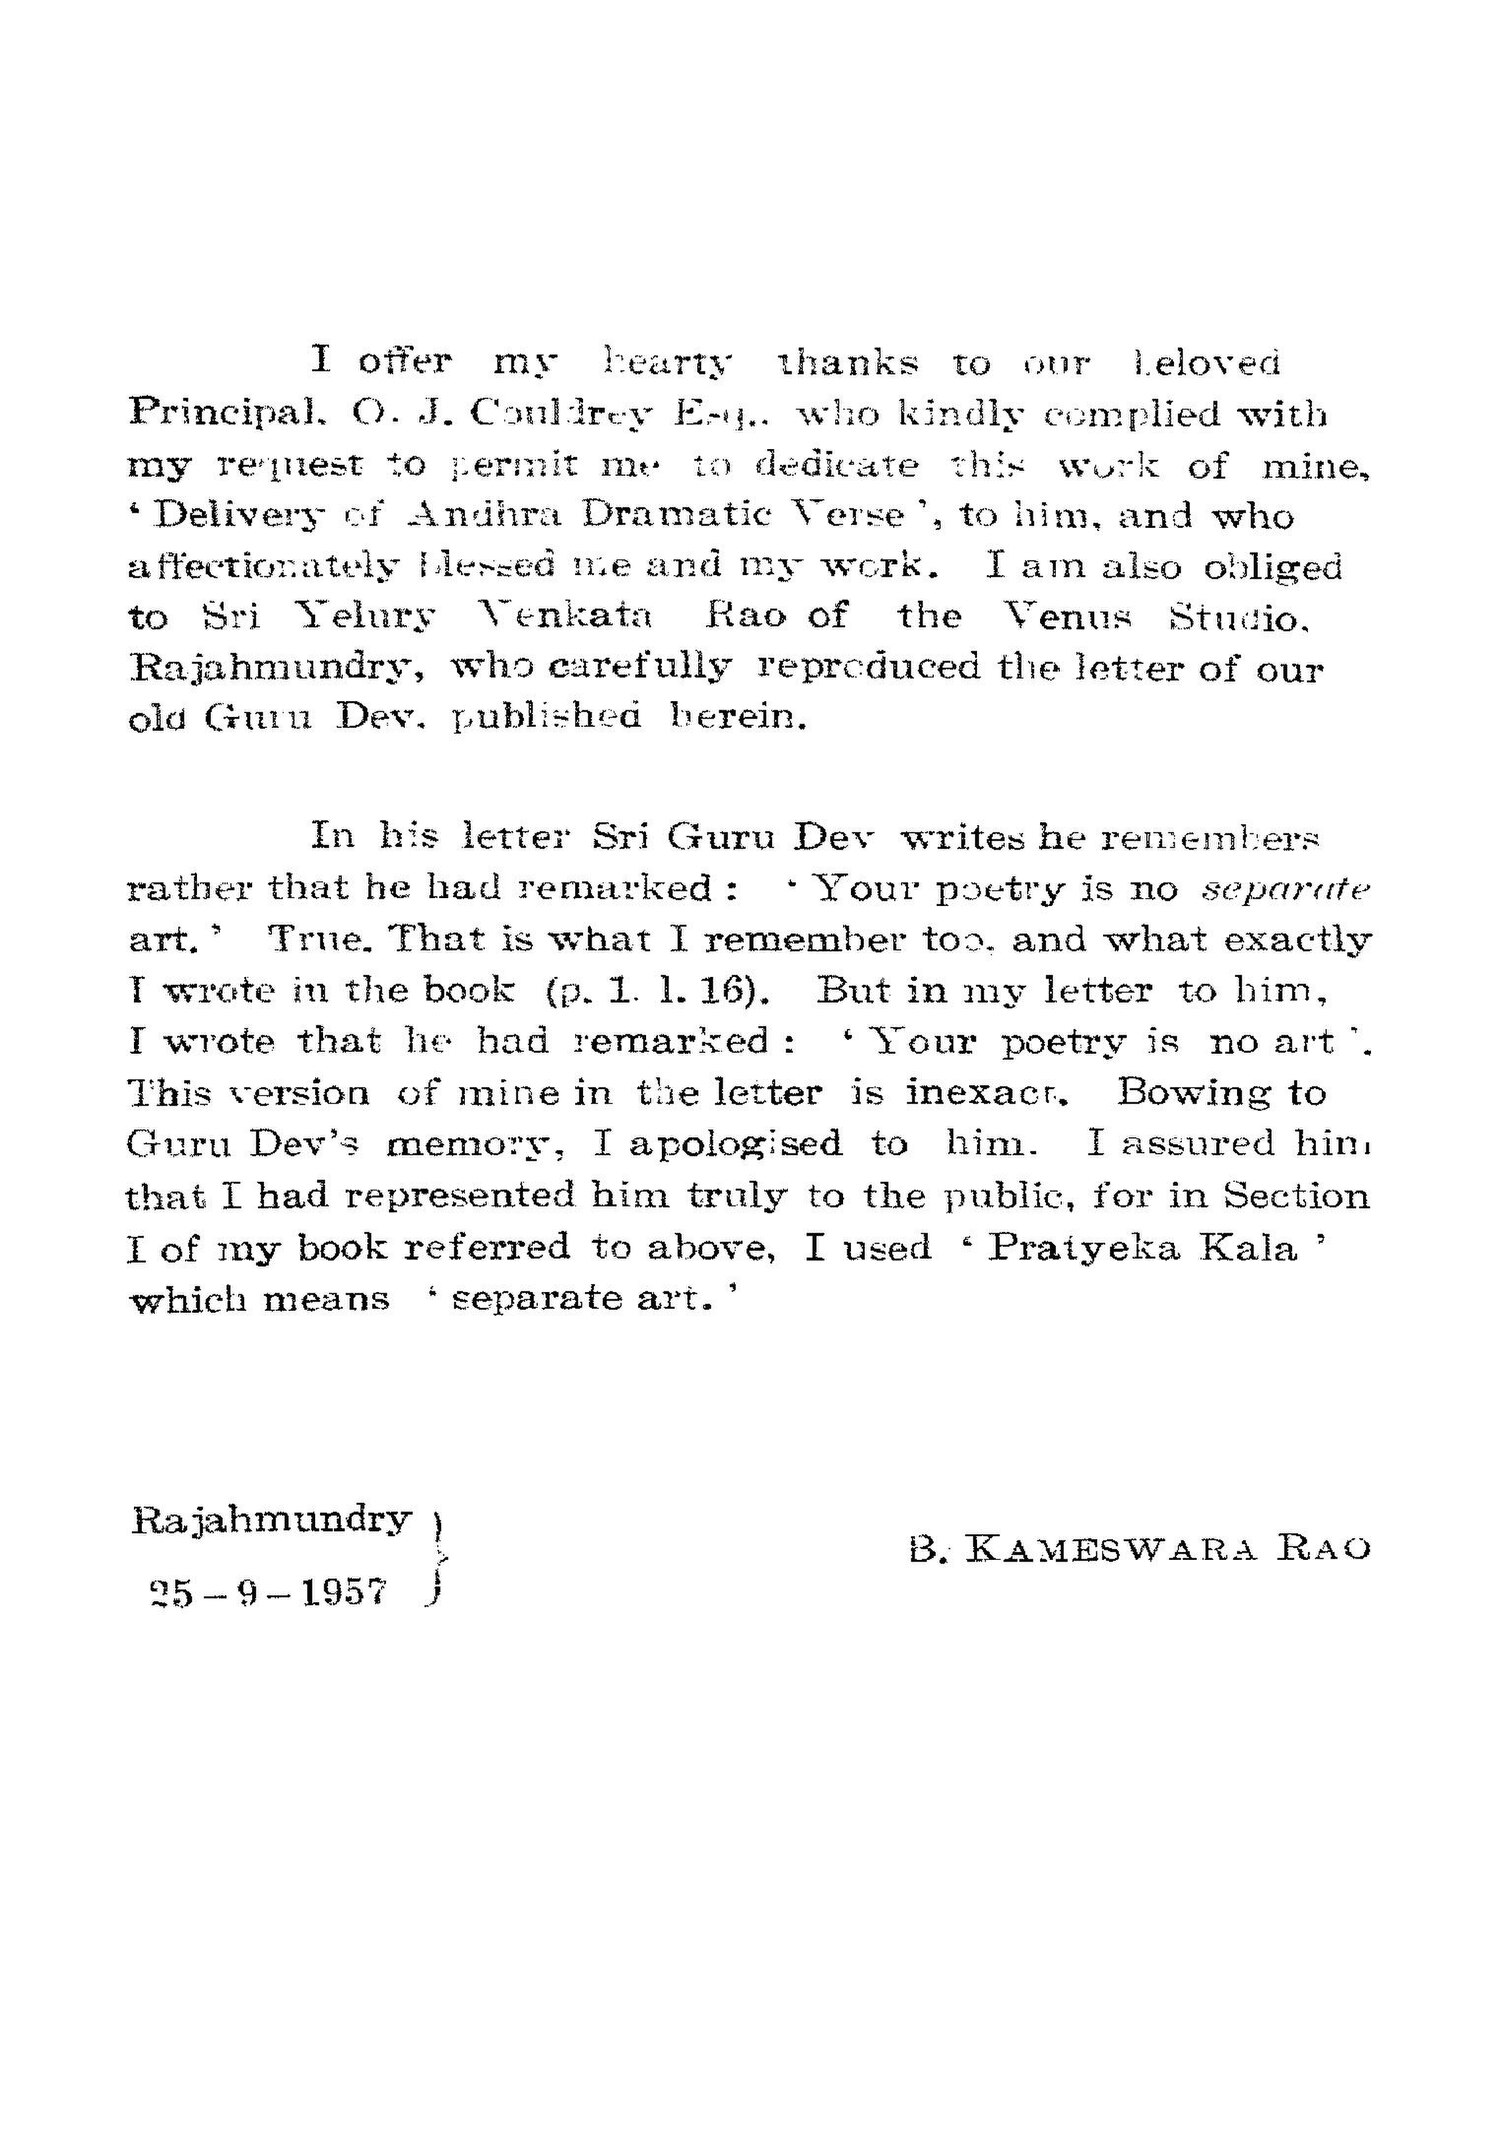I offer my hearty thanks to our beloved
Principal. O. J. Couldrey Eq.. who kindly complied with
my request to permit me to dedicate this work of mine,
Delivery of Andhra Dramatic Verse', to him, and who
affectionately blessed me and my work. I am also obliged
to Sri Yelury Venkata Rao of the Venus Studio.
Rajahmundry, who carefully reproduced the letter of our
old Guru Dev. published herein.

In his letter Sri Guru Dev writes he remembers
rather that he had remarked: 'Your poetry is no separate
art. True. That is what I remember too, and what exactly
I wrote in the book (p. 1. 1. 16). But in my letter to him,
I wrote that he had remarked: "Your poetry is no art.
This version of mine in the letter is inexact. Bowing to
Guru Dev's memory, I apologised to him. I assured him
that I had represented him truly to the public, for in Section
I of my book referred to above, I used Pratyeka Kala'
which means separate art.